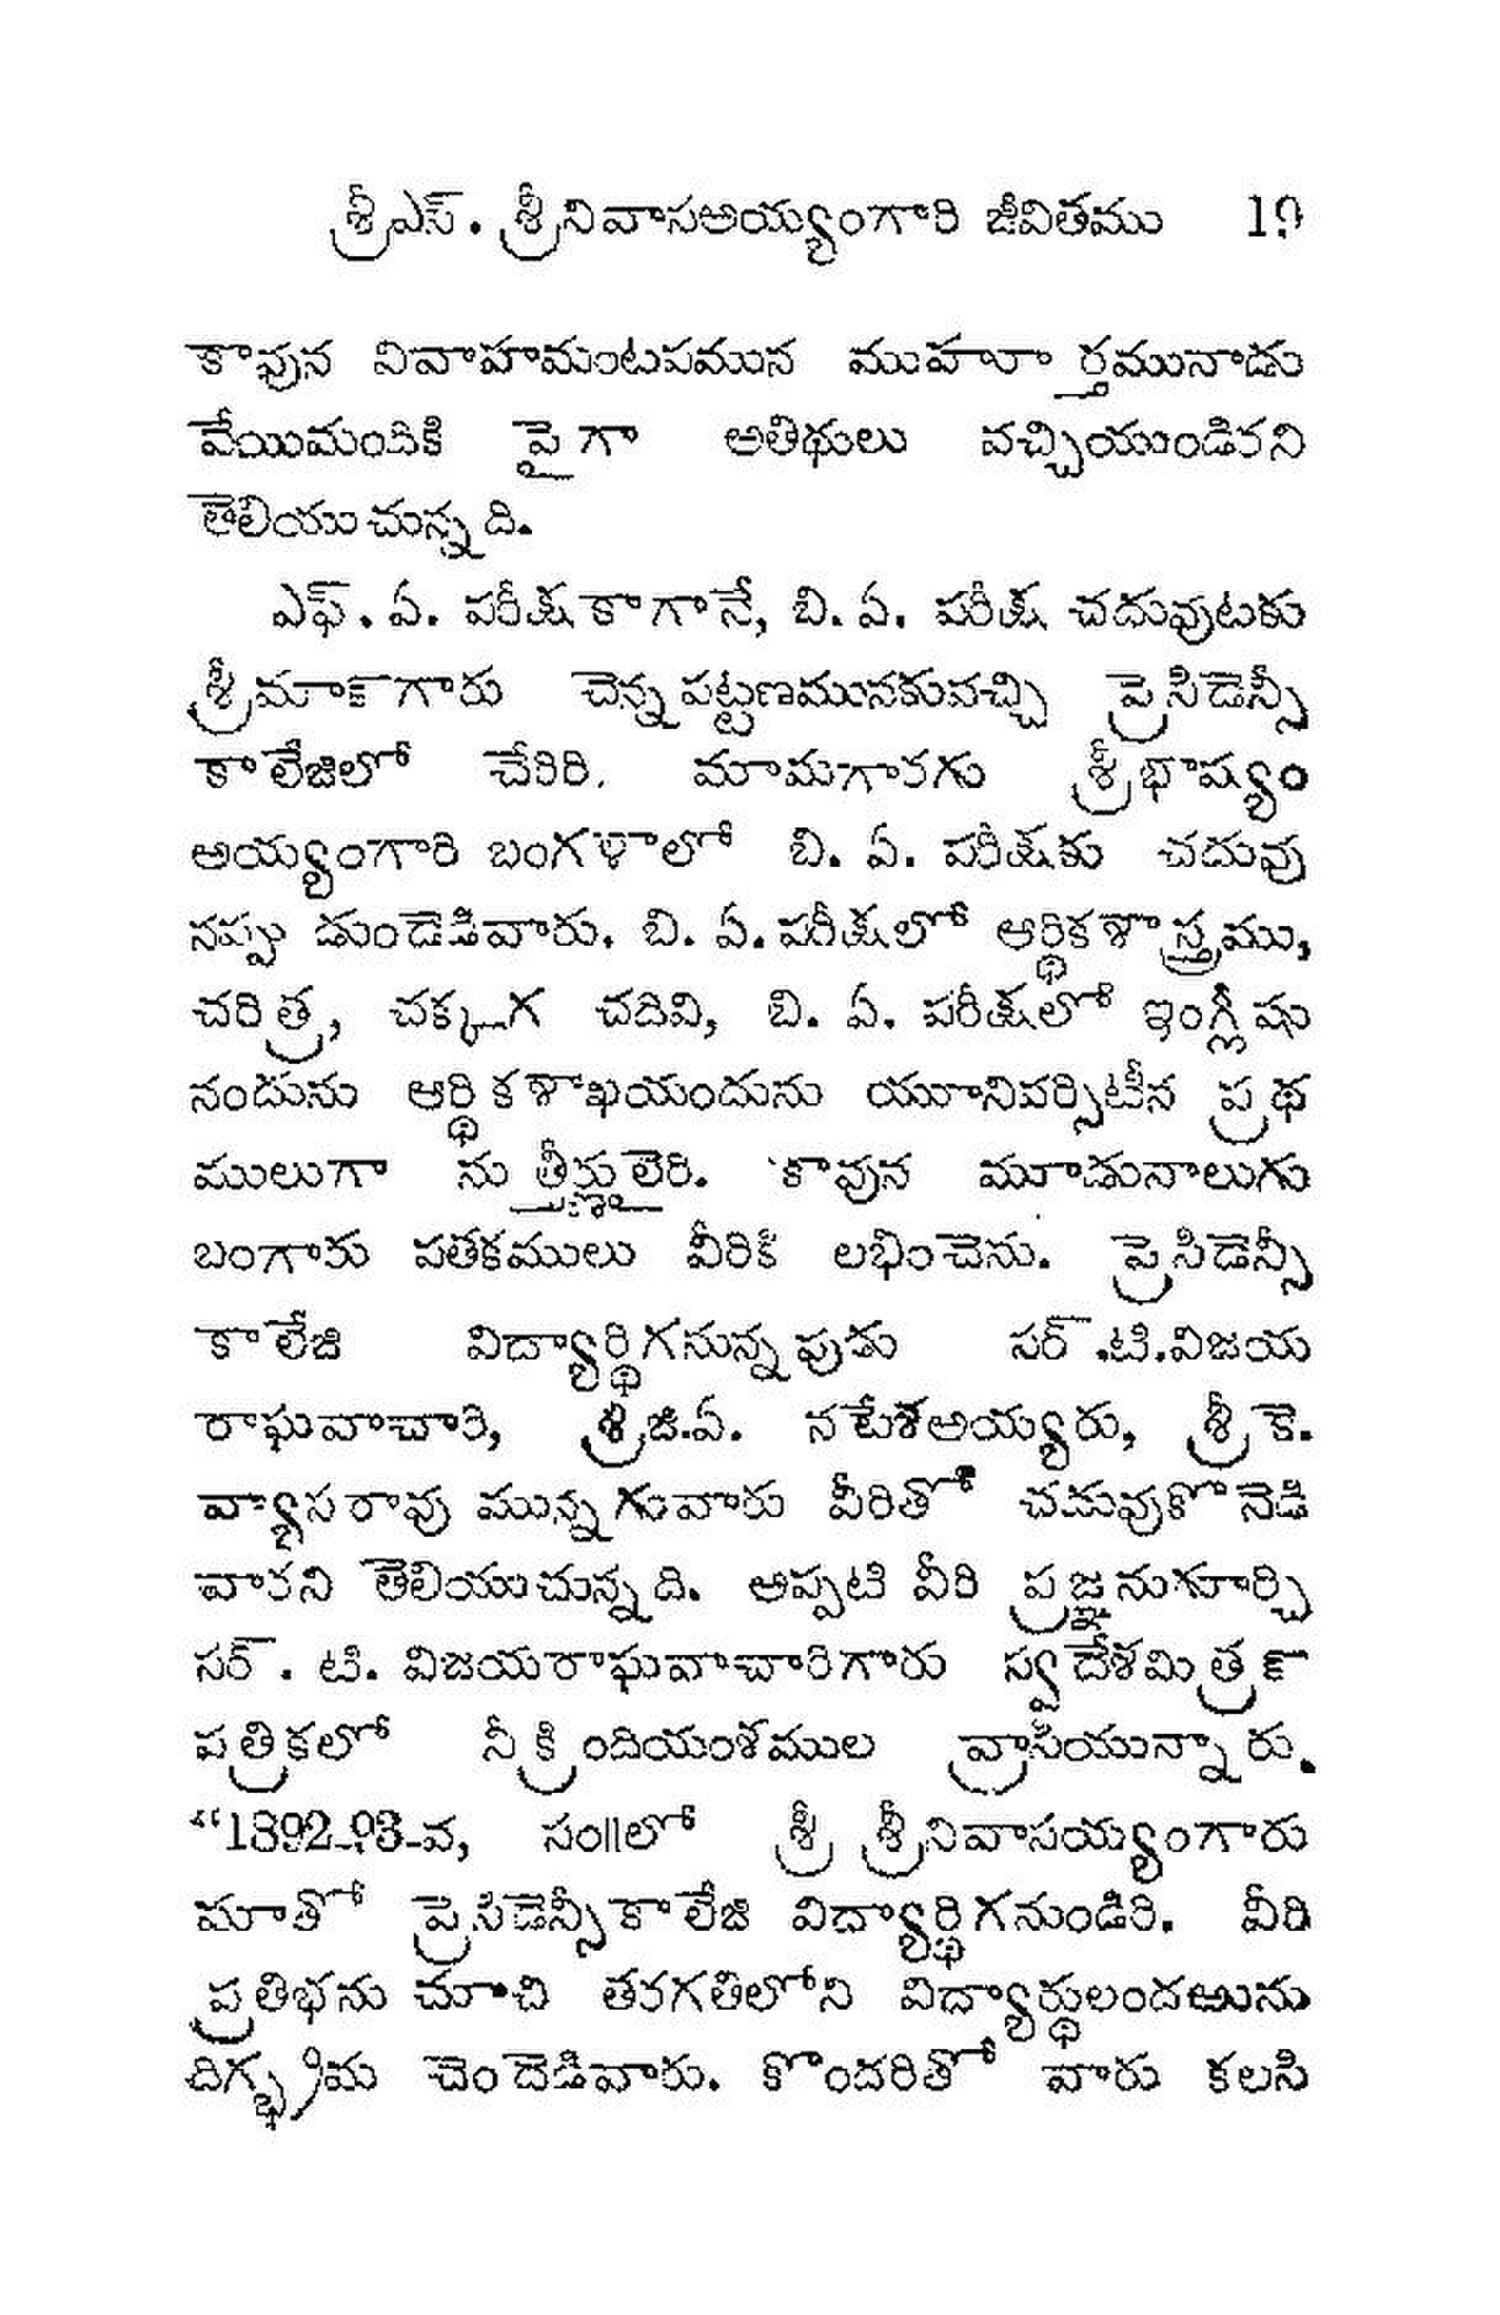కావున వివాహమంటపమున ముహూర్తమునాడు వేయిమందికి పైగా అతిథులు వచ్చియుండిరని తెలియుచున్నది.

ఎఫ్. ఏ. పరీక్షకాగానే, బి. ఏ. పరీక్ష చదువుటకు శ్రీమా౯గారు చెన్నపట్టణమునకు వచ్చి ప్రెసిడెన్సీ కాలేజిలో చేరిరి. మామగారగు శ్రీభాష్యం అయ్యంగారి బంగళాలో బి.ఏ. పరీక్షకు చదువునప్పు డుండెడివారు. బి. ఏ. పరీక్షలో ఆర్థికశాస్త్రము, చరిత్ర, చక్కగ చదివి, బి. ఏ. పరీక్షలో ఇంగ్లీషు నందును ఆర్థికశాఖయందును యూనివర్సిటీన ప్రథములుగా నుత్తీర్ణులైరి. కావున మూడునాలుగు బంగారు పతకములు వీరికి లభించెను. ప్రెసిడెన్సీ కాలేజి విద్యార్థిగనున్నపుడు సర్. టి. విజయరాఘవాచారి, శ్రీ జి. ఏ. నటేశఅయ్యరు, శ్రీ కె. వ్యాసరావు మున్నగువారు వీరితో చదువుకొనెడి వారని తెలియుచున్నది. అప్పటి వీరి ప్రజ్ఞనుగూర్చి సర్. టి. విజయరాఘవాచారిగారు స్వదేశమిత్ర౯ పత్రికలో నీ క్రిందియంశముల వ్రాసియున్నారు. "1892-93-వ, సం||లో శ్రీ శ్రీనివాసయ్యంగారు మాతో ప్రెసిడెన్సీకాలేజి విద్యార్థిగనుండిరి. వీరి ప్రతిభను చూచి తరగతిలోని విద్యార్థులందఱును దిగ్భ్రమ చెందెడివారు. కొందరితో వారు కలసి